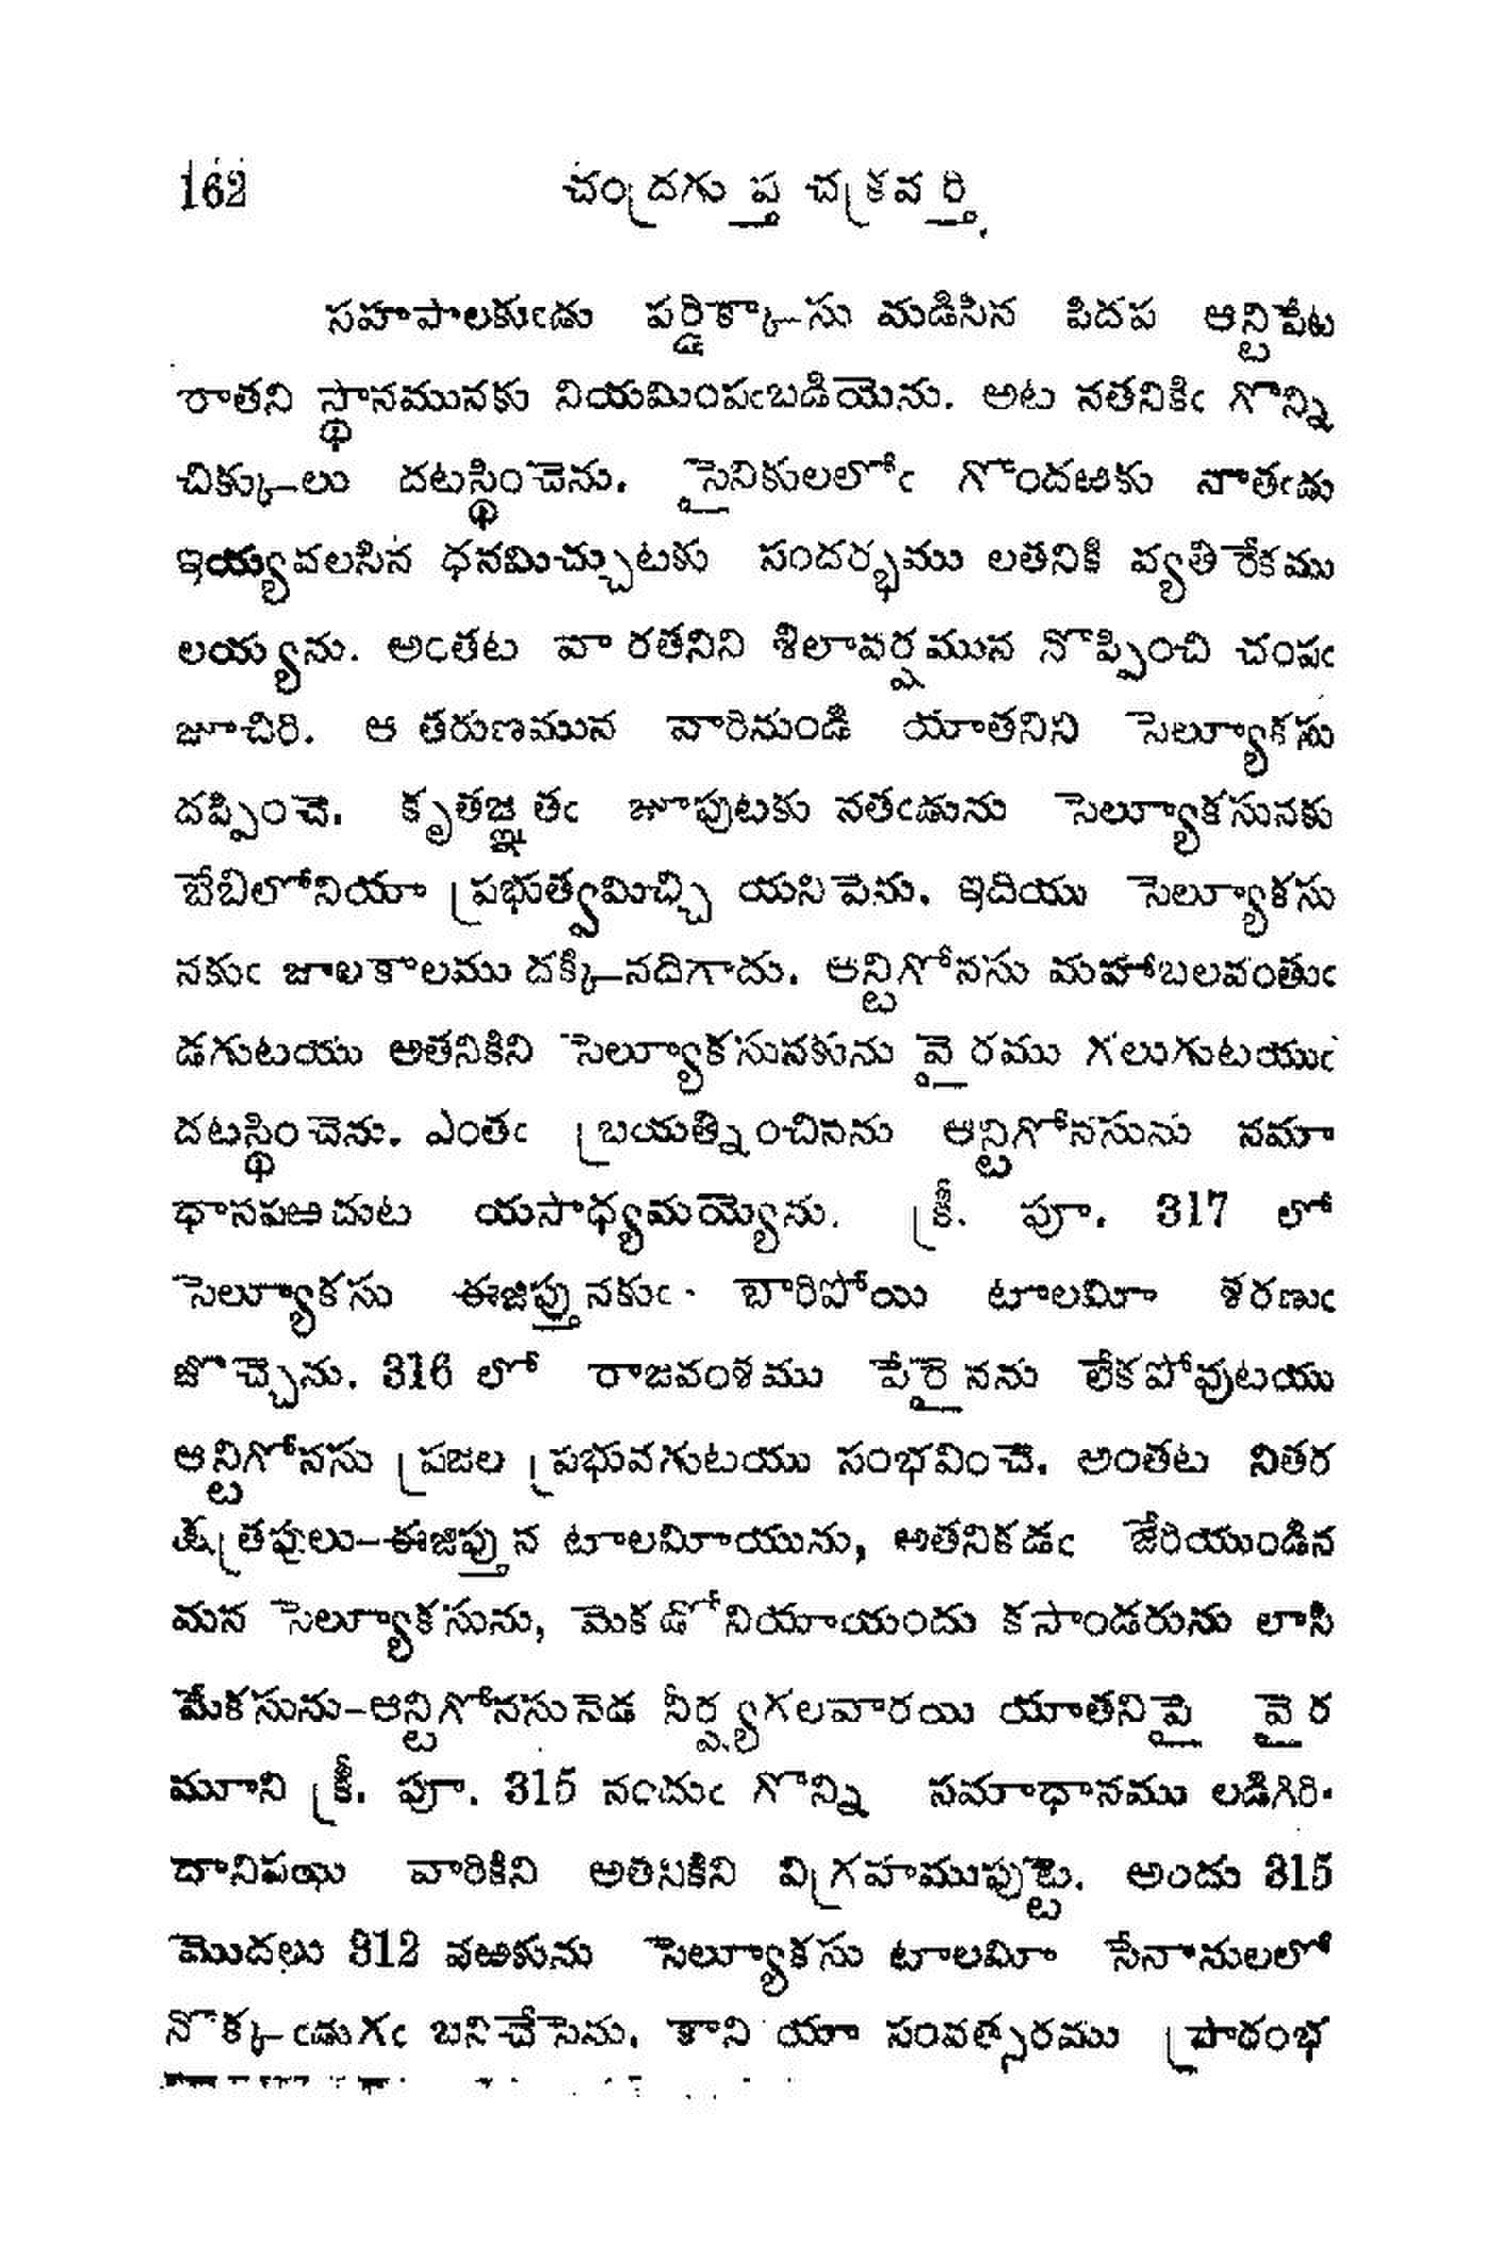సహపాలకుఁడు పర్డిక్కాసు మడిసిన పిదప ఆన్టిపేట రాతని స్థానమునకు నియమింపఁబడియెను. అట నతనికిఁ గొన్ని చిక్కులు దటస్థించెను. సైనికులలోఁ గొందఱకు నాతఁడు ఇయ్యవలసిన ధనమిచ్చుటకు సందర్భము లతనికి వ్యతిరేకము లయ్యను. అంతట వారతనిని శిలావర్షమున నొప్పించి చంపఁ జూచిరి. ఆ తరుణమున వారినుండి యాతనిని సెల్యూకసు దప్పించె. కృతజ్ఞతఁ జూపుటకు నతఁడును సెల్యూకసునకు బేబిలోనియా ప్రభుత్వమిచ్చి యని పెను., ఇదియు సెల్యూకసునకుఁ జాలకాలము దక్కినదిగాదు. ఆన్టిగోనసు మహాబలవంతుఁ డగుటయు అతనికిని "సెల్యూకసునకును వైరము గలుగుటయుఁ దటస్థించెను. ఎంతఁ బ్రయత్నించినను ఆన్టిగోనసును నమాధాసపఱుచుట యసాధ్యమయ్యెను. క్రీ. పూ. 317 లో సెల్యూకసు ఈజిప్తునకుఁ బారిపోయి టాలమి శరణుఁజొచ్చెను. 316 లో రాజవంశము పేరైనను లేక పోవుటయు ఆన్టిగోనను ప్రజల ప్రభువగుటయు సంభవించె. అంతట నితర క్షత్రపులు- ఈజిప్తు న టాలమీయును, అతనికడఁ జేరియుండిన మన సెల్యూకసును, మెకడోనియాయందు కసాండరును లాసి మేకసును-ఆన్టిగోనసు నెడ నీర్ష్యగలవారయి యాతనిపై వైర మూని క్రీ. పూ. 315 నందుఁ గొన్ని సమాధానము లడిగిరి. దానిపయి వారికిని అతనికిని విగ్రహముపుట్టె అందు 315 మొదలు 312 వఱుకును సెల్యూకసు టాలమీ సేనానులలో నొక్కఁడుగఁ బనిచేసెను. కాని యా సంవత్సరము ప్రారంభ